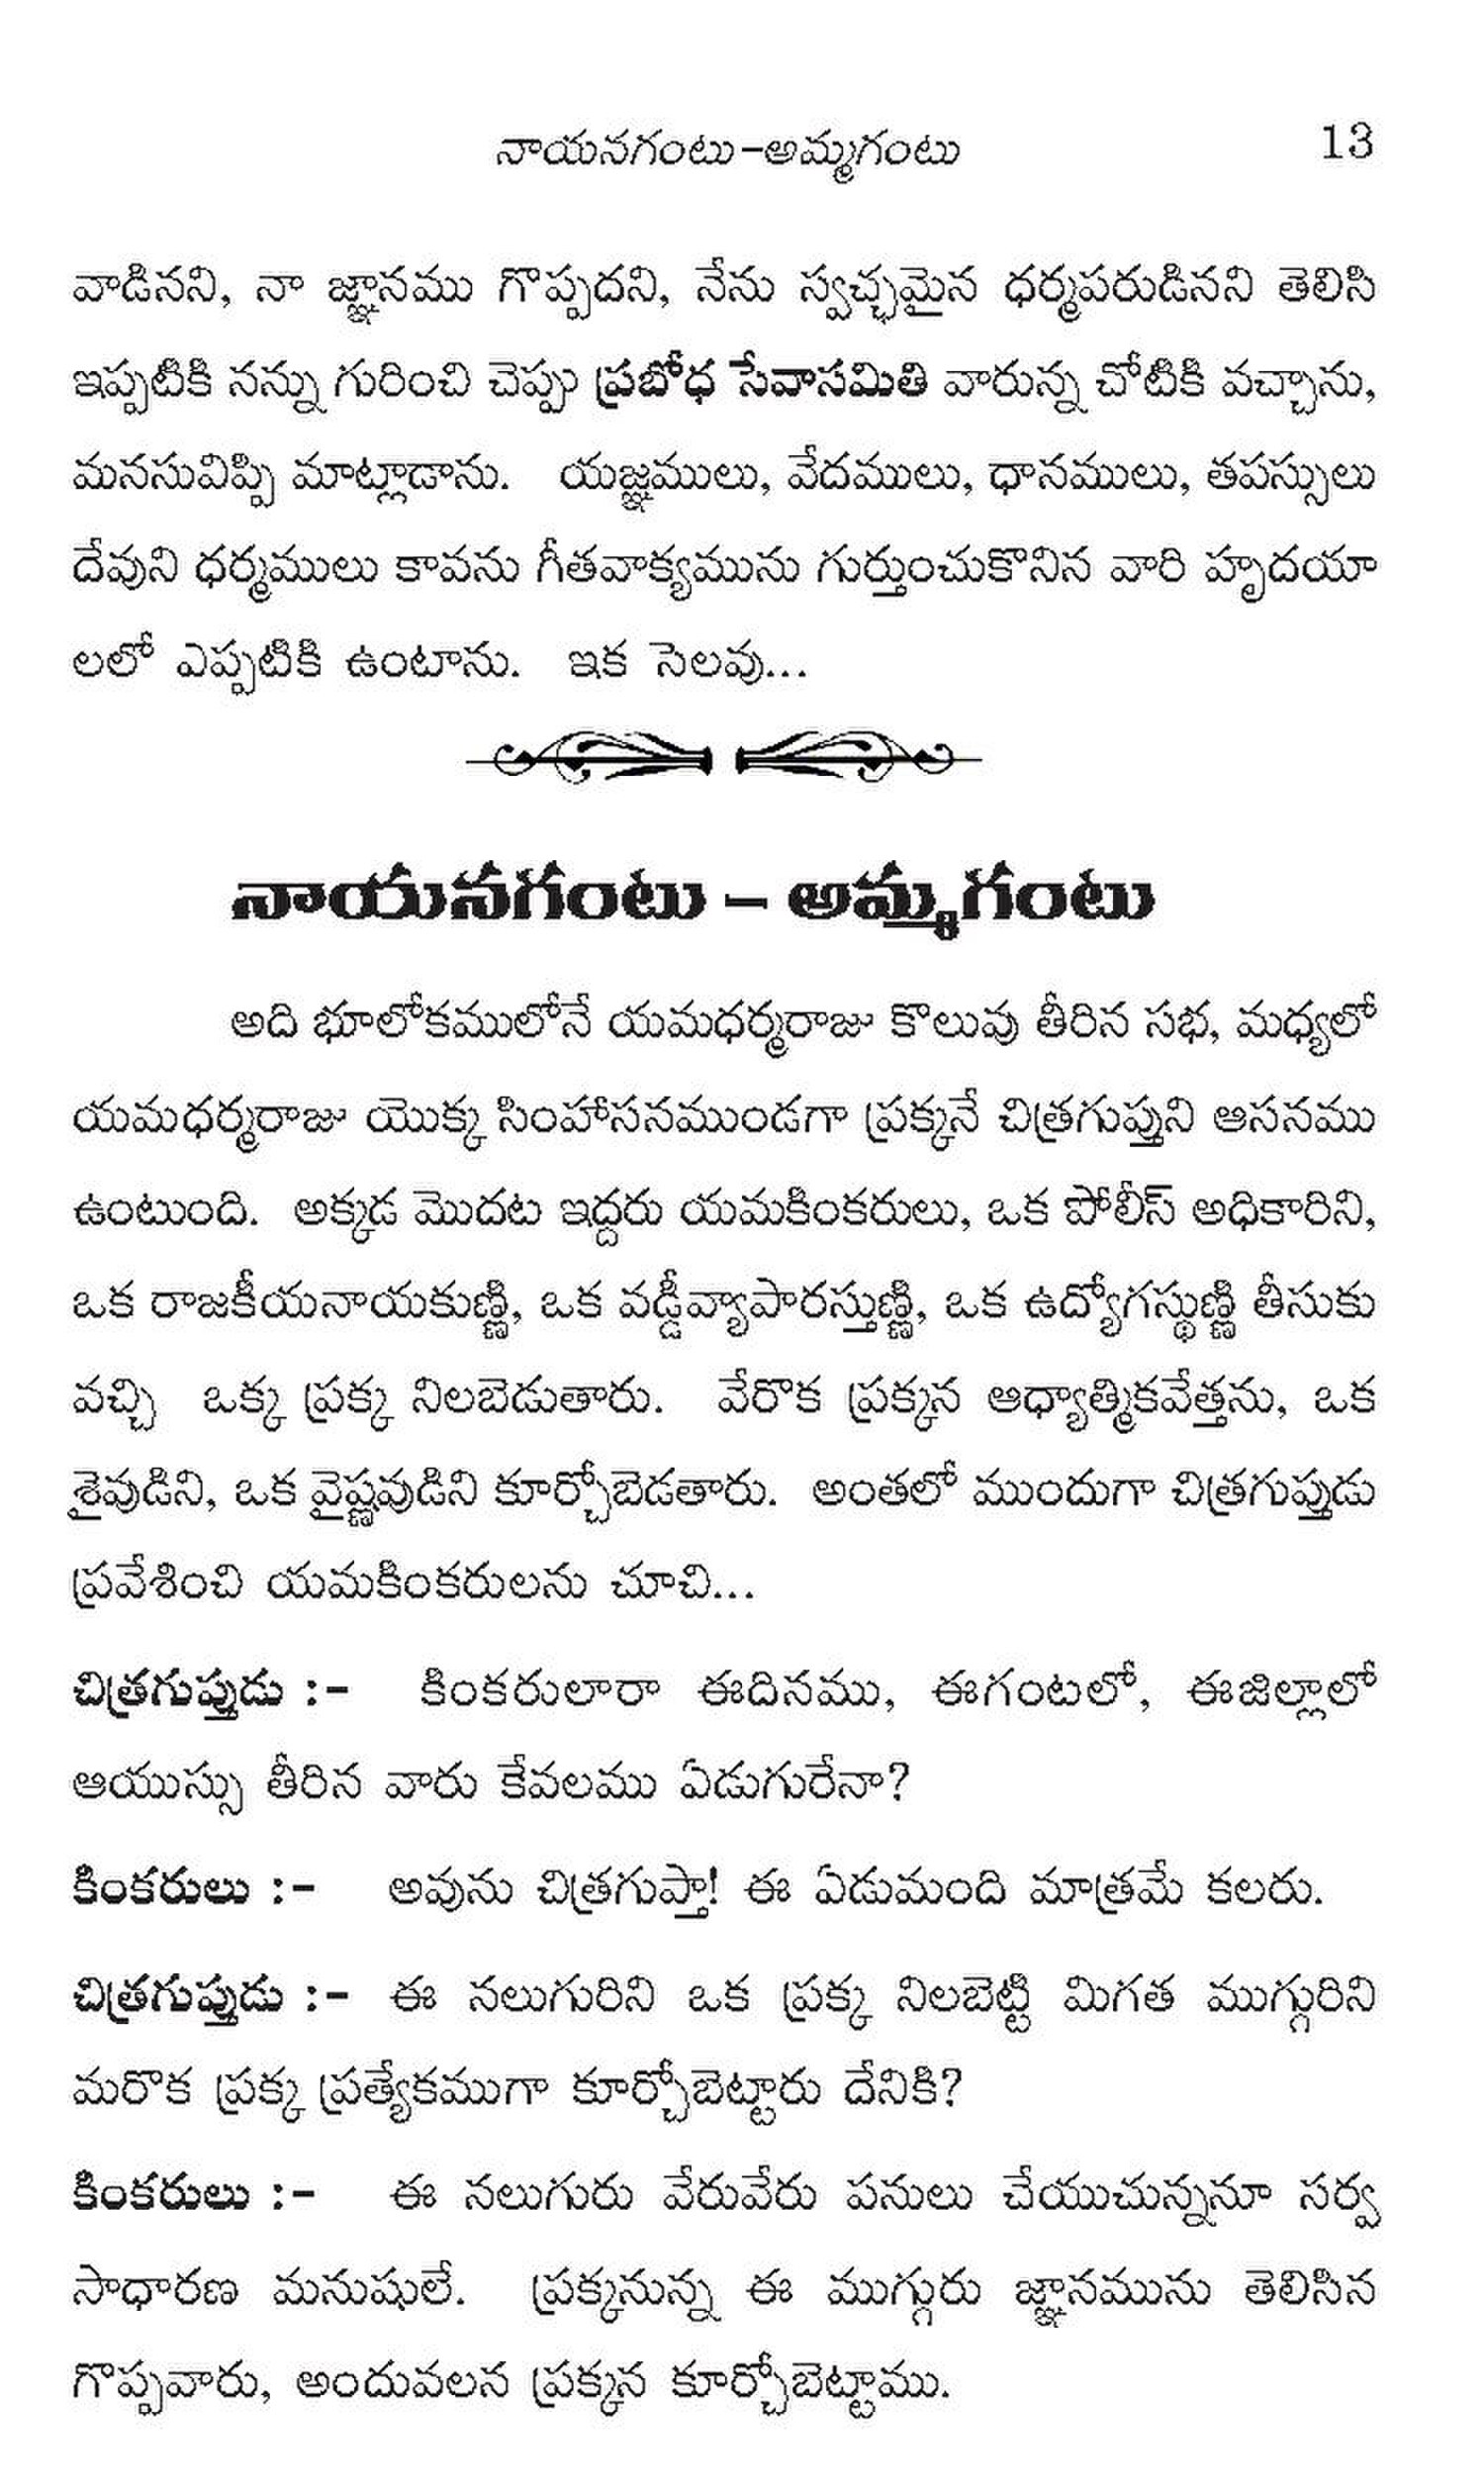వాడినని, నా జ్ఞానము గొప్పదని, నేను స్వచ్ఛమైన ధర్మపరుడినని తెలిసి ఇప్పటికి నన్ను గురించి చెప్పు ప్రబోధ సేవాసమితి వారున్న చోటికి వచ్చాను, మనసువిప్పి మాట్లాడాను. యజ్ఞములు, వేదములు, ధానములు, తపస్సులు దేవుని ధర్మములు కావను గీతవాక్యమును గుర్తుంచుకొనిన వారి హృదయా లలో ఎప్పటికి ఉంటాను. ఇక సెలవు...

అది భూలోకములోనే యమధర్మరాజు కొలువు తీరిన సభ, మధ్యలో యమధర్మరాజు యొక్క సింహాసనముండగా ప్రక్కనే చిత్రగుప్తుని ఆసనము ఉంటుంది. అక్కడ మొదట ఇద్దరు యమకింకరులు, ఒక పోలీస్‌ అధికారిని, ఒక రాజకీయనాయకుణ్ణి, ఒక వడ్డీవ్యాపారస్తుణ్ణి, ఒక ఉద్యోగస్థుణ్ణి తీసుకు వచ్చి ఒక్క ప్రక్క నిలబెడుతారు. వేరొక ప్రక్కన ఆధ్యాత్మికవేత్తను, ఒక శైవుడిని, ఒక వైష్ణవుడిని కూర్చోబెడతారు. అంతలో ముందుగా చిత్రగుప్తుడు ప్రవేశించి యమకింకరులను చూచి...

చిత్రగుప్తుడు :- కింకరులారా ఈ దినము, ఈ గంటలో, ఈ జిల్లాలో ఆయుస్సు తీరిన వారు కేవలము ఏడుగురేనా?

కింకరులు :-	అవును చిత్రగుప్తా! ఈ ఏడుమంది మాత్రమే కలరు.

చిత్రగుప్తుడు :- ఈ నలుగురిని ఒక ప్రక్క నిలబెట్టి మిగత ముగ్గురిని మరొక ప్రక్క ప్రత్యేకముగా కూర్చోబెట్టారు దేనికి?

కింకరులు :-	ఈ నలుగురు వేరువేరు పనులు చేయుచున్ననూ సర్వ సాధారణ మనుషులే. ప్రక్కనున్న ఈ ముగ్గురు జ్ఞానమును తెలిసిన గొప్పవారు, అందువలన ప్రక్కన కూర్చోబెట్టాము.